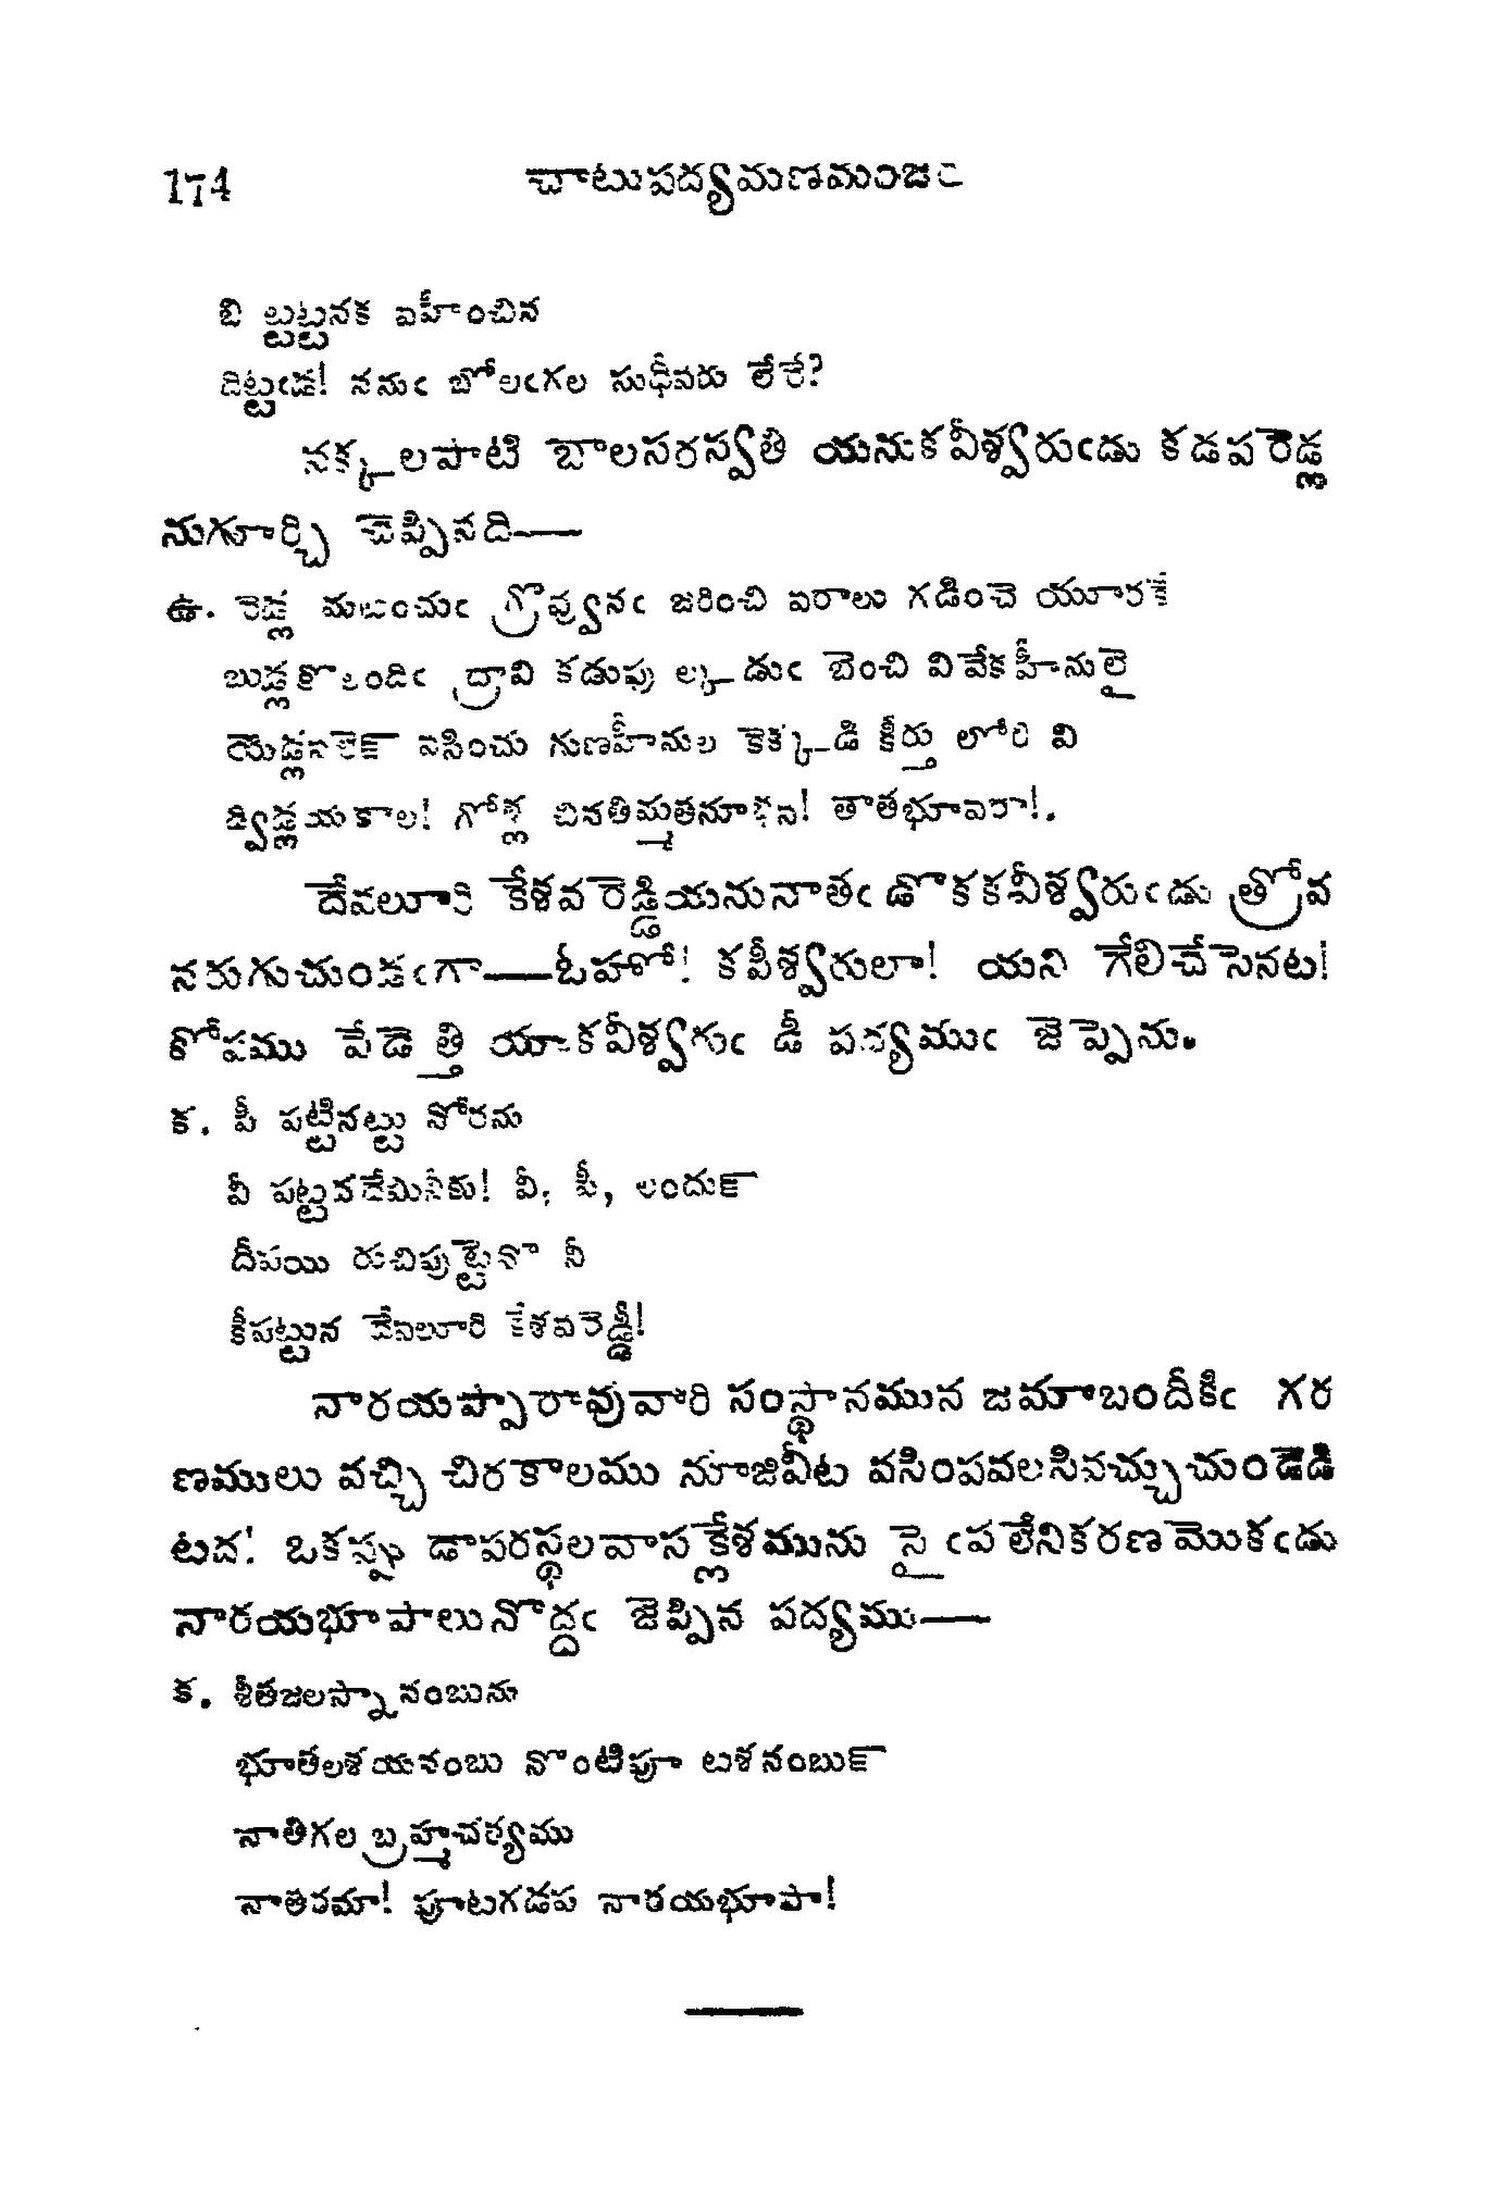బి ట్టట్టనక వహించిన
 దిట్టఁడ! ననుఁ బోలఁగల సుధీవరు లేరే?
నక్కలపాటి బాలసరస్వతి యను కవీశ్వరుఁడు కడపరెడ్లనుగూర్చి చెప్పినది—
ఉ. రెడ్ల మటంచుఁ గ్రొవ్వునఁ జరించి వరాలు గడించె యూరకే
 బుడ్లకొలందిఁ ద్రావి కడుపు ల్కడుఁ బెంచి వివేకహీనులై
 యెడ్లవలెన్ వసించు గుణహీనుల కెక్కడి కీర్తు లోరి వి
 ద్విడ్లయకాల! గోళ్ళ చినతిమ్మతనూభవ! తాతభూవరా!
దేవలూరి కేశవరెడ్డియను నాతఁ డొకకవీశ్వరుఁడు త్రోవ నరుగుచుండఁగా—ఓహో! కపీశ్వరులా! యని గేలిచేసెనఁట! కోపము వేడెత్తి యాకవీశ్వరుఁ డీపద్యముఁ జెప్పెను.
క. పీ పట్టినట్టు నోరను
 వీ పట్టదదేమి నీకు? వీ, పీ, లందున్
 దీపయి రుచిపుట్టెనొ నీ
 కీపట్టున దేవలూరి కేశవరెడ్డీ!
నారయప్పారావువారి సంస్థానమున జమాబందికిఁ గరణములు వచ్చి చిరకాలము నూజివీట వసింపవలసివచ్చుచుండెడిదఁట! ఒకప్పు డాపరస్థలవాసక్లేశమును సైఁపలేనికరణమొకఁడు నారయభూపాలునొద్దఁ జెప్పిన పద్యము—
త. శీతజలస్నానంబును
 భూతలశయనంబు నొంటిపూ టశనంబున్
 నాతిగలబ్రహ్మచర్యము
 నాతరమా! పూట గడప నారయభూపా!